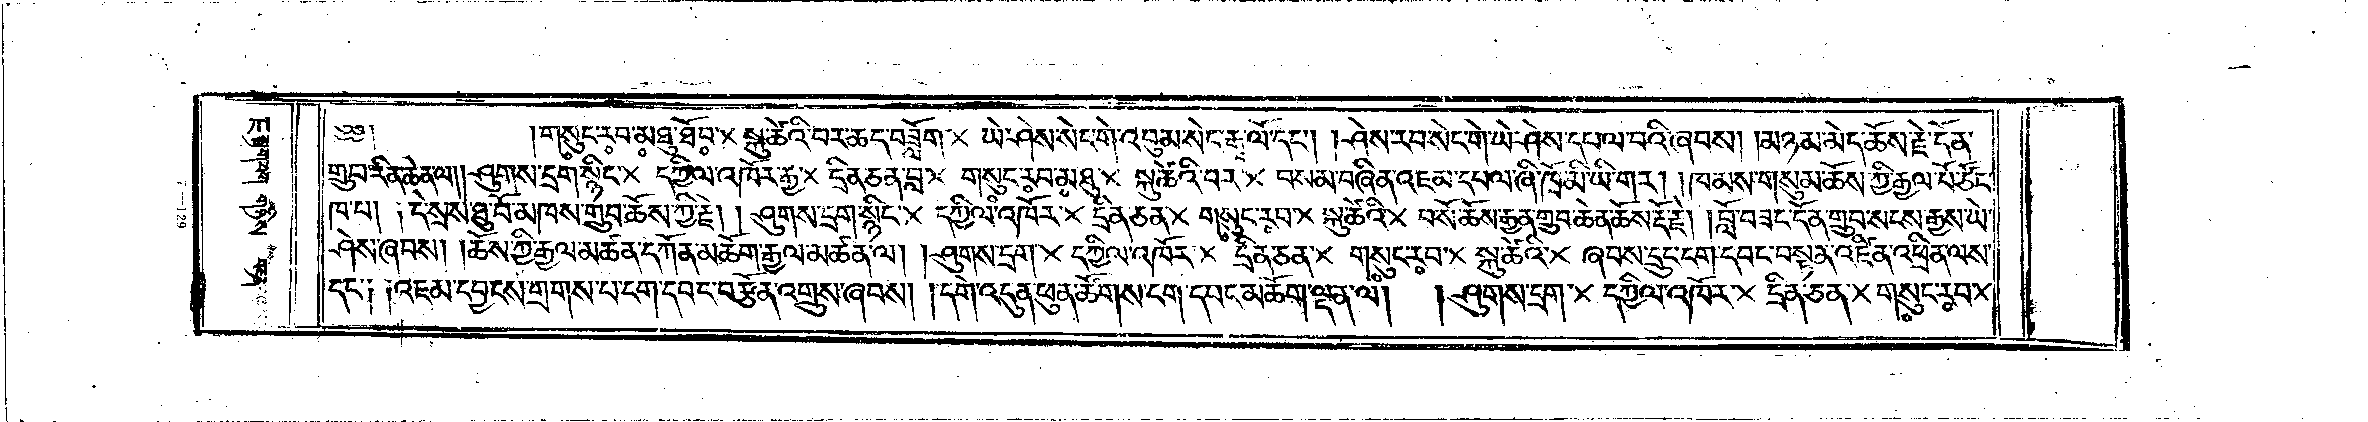༄༅། །གསུང་ཕབ྾་མཐུ྾་ཐོབ྾་྾་སྐུ་ཚེའི་བར་ཆད་བཟློག་྾་ཡེ་ཤེས་སེང་གེ་འབུམ་སེང་རྒྭ་ལོ་དང་། །ཤེས་རབ་སེང་གེ་ཡེ་ཤེས་དཔལ་བའི་ཞབས། །མཉམ་མེད་ཆོས་རྗེ་དོན་
གྲུབ་རིན་ཆེན་ལ། །ཤགས་དྲག་སྙིང་྾་དཀྱིལ་འཁོར་རྒྱ་྾་དྲིན་ཅན་བླ་྾་གསུང྾་རབ྾་མཐུ྾་྾་སྐུ་ཚེའི་བར་྾་བསམ་བཞིན་འཇམ་དཔལ་ཞི་ཁྲོ་མི་ཡི་གར། །ཁམས་གསུམ་ཆོས་ཀྱི་རྒྱལ་པོ་ཙོང་
ཁ་པ། དེ་སྲས་ཐུ་བོ་མཁས་གྲུབ་ཆོས་ཀྱི་རྗེ། །ཤུགས་དྲག་སྙིང་྾་དཀྱིལ་འཁོར་྾་དྲིན་ཅན་྾་གསུང྾་རབ྾་྾་སྐུ་ཚེའི་྾་བསོ་ཆོས་རྒྱན་གྲུབ་ཆེན་ཆོས་རྡོ་རྗེ། །བློ་བཟང་དོན་གྲུབ་སངས་རྒྱས་ཡེ་
ཤེས་ཞབས། །ཆོས་ཀྱི་རྒྱལ་མཚན་དཀོན་མཆོག་རྒྱལ་མཚན་ལ། །ཤུགས་དྲག་྾་དཀྱིལ་འཁོར་྾་དྲིན་ཅན་྾་གསུང྾་རབ྾་྾་སྐུ་ཚེའི་྾་ཞབས་དྲུང་ངག་དབང་བསྟན་འཛིན་འཕྲིན་ལས་
དང༑ ༑འཇམ་དབྱངས་གྲགས་པ་ངག་དབང་བརྩོན་འགྲུས་ཞབས། །དགེ་འདུན་ཕུན་ཚོགས་ངག་དབང་མཆོག་ལྡན་ལ། །ཤུགས་དྲག་྾་དཀྱིལ་འཁོར་྾་དྲིན་ཅན་྾་གསུང྾་རབ྾་྾་